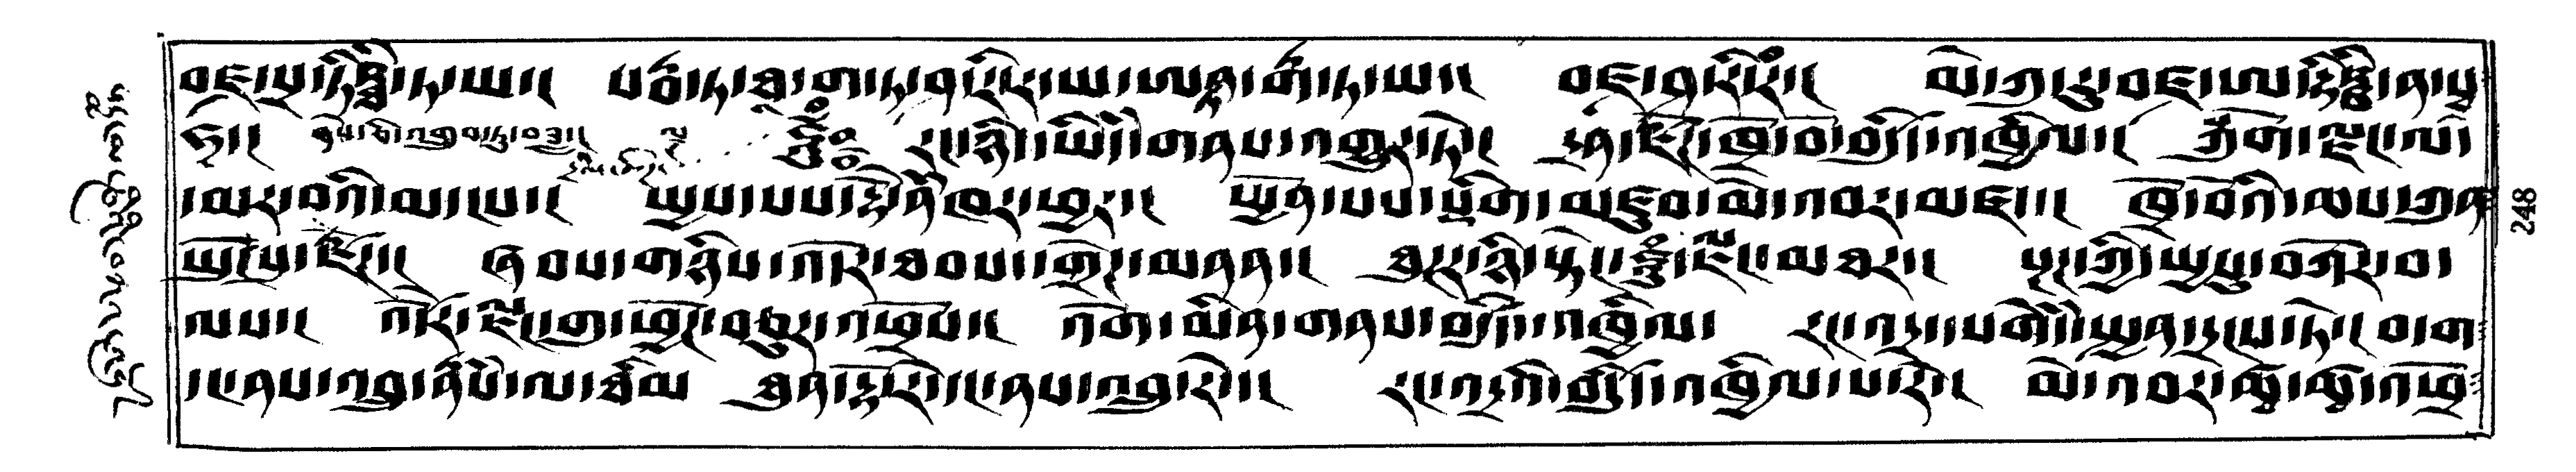བཛྲ་པྲ་ཏིཥྛི་ཏ་ཡ། སརྦ་ཏ་ཐཱ་ག་ཏ་ཤ་རི་ར་ཡ་ཨནྟ་རྒ་ཏ་ཡ། བཛྲ་ཤ་རི་རཾ། མེ་ཀུ་རུ་བཛྲ་ཨ་དྷཥྛི་ན་སྭ་
ཧཱ། ཞེས་ཅི་འགྲུབ་ཏུ་བཟླ། ༈ དྲིལ་ཚགས། ཧཱུྃ༔ རང་ཉིད་ཡི་དམ་གནས་འགྱུར་ཏེ། །དྲན་རྫོགས་ཁྲོ་བོ་བདུད་རྩི་འཁྱིལ། །སྐུ་མདོག་ལྗང་ལ་
དམར་པའི་མདངས། །གཡས་པས་རྡོ་རྗེ་ནམ་མཁར་ཕྱར། །གཡོན་པས་སྡིགས་མཛུབ་མེ་འབར་མཛད། །ཁྲོ་བོའི་ཆས་ཀུན་
ཡོངས་སུ་རྫོགས། །ཞབས་གཉིས་འདོར་ཐབས་དགྲ་བགེགས་མནན། །ཐུགས་ཀར་ཉི་སྟེང་ཧཱུྃ་ལྗང་མཐར། །སྔགས་ཀྱིས་གཡས་སུ་བསྐོར་བ་
ལས། །འོད་ཟེར་ལྗང་གུ་ཕྱོགས་བཅུར་འཕྲོས། །འོག་མིན་གནས་ནས་བདུད་རྩིའི་འཁྱིལ། །རང་འདྲ་དཔག་མེད་སྤྱན་དྲངས་ཏེ། །བདག་
དང་ནས་འབྲུ་རྣམས་ལ་ཐིམ། །ཐུན་རྡོ་རེ་དང་ནས་འབྲུ་རེ། །རང་འདྲའི་བདུད་རྩི་འཁྱིལ་པ་རེ། །མེ་འབར་ཚ་ཚ་འཕྲོ་